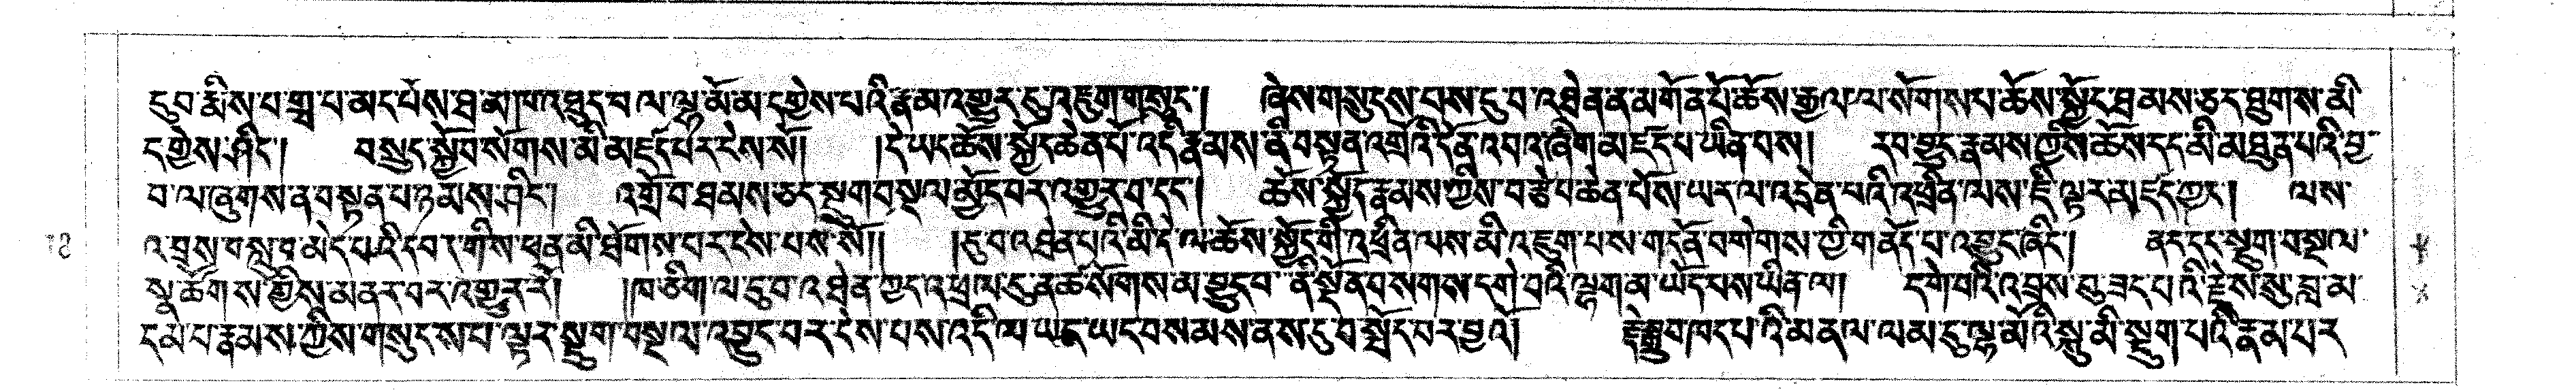དུབ་རྨིས་པ་གྲྭ་པ་མང་པོས་ཐ་མཁའ་ཐུད་བ་ལ་ལྷ་མོ་མ་དགྱེས་པའི་རྣམ་འགྱུར་དུ་འཇུག་གསུང་། ཞེས་གསུངས་བས་དུ་བ་འཐེན་ན་མགོན་པོ་ཆོས་རྒྱལ་ལ་སོགས་པ་ཆོས་སྐྱོང་ཐམས་ཅད་ཐུགས་མི་
དགྱེས་ཤིང་། བསྲུང་སྐྱོབ་སོགས་མི་མཛད་པར་ངེས་སོ། །དེ་ཡང་ཆོས་སྐྱོང་ཆེན་པོ་འདི་རྣམས་ནི་བསྟན་འགྲོའི་དོན་འབའ་ཞིག་མཛད་པ་ཡིན་པས། རབ་བྱུང་རྣམས་ཀྱིས་ཆོས་དང་མི་མཐུན་པའི་བྱ་
བ་ལ་ཞུགས་ན་བསྟན་པ་ཉམས་ཤིང་། འགྲོ་བ་ཐམས་ཅད་སྡུག་བསྔལ་མྱོང་བར་འགྱུར་བ་དང་། ཆོས་སྐྱོང་རྣམས་ཀྱིས་བརྩེ་བ་ཆེན་པོས་ཡར་ལ་འདྲེན་པའི་འཕྲིན་ལས་ཇི་ལྟར་མཛད་ཀྱང་། ལས་
འབྲས་བསླུ་བ་མེད་པའི་དབང་གིས་ཕན་མི་ཐོགས་པར་ངེས་པས་སོ།། །དུ་བ་འཐེན་པའི་མི་དེ་ལ་ཆོས་སྐྱོང་གི་འཕྲིན་ལས་མི་འཇུག་པས་གདོན་བགེགས་ཀྱི་གནོད་པ་འབྱུང་ཞིང་། ནང་དང་སྡུག་བསྔལ་
སྣ་ཚོགས་གྱིས་མནར་བར་འགྱུར་རོ། །ཁ་ཅིག་ལ་དུ་བ་འཐེན་ཀྱང་འཕྲལ་དུ་ན་ཚ་སོགས་མ་བྱུང་བ་ནི་སྔོན་བསགས་དགེ་བའི་ལྷག་མ་ཡོད་པས་ཡིན་ལ། དགེ་བའི་འབྲས་བུ་ཟད་པའི་རྗེས་སུ་བླ་མ་
དམ་པ་རྣམས་ཀྱིས་གསུངས་པ་ལྟར་སྡུག་བསྔལ་འབྱུང་བར་ངེས་པས་འདི་ལ་ཡང་ཡང་བསམས་ནས་དུ་བ་སྤོང་བར་བྱའོ། རྗེ་སྒྲུབ་ཁང་པའི་མནལ་ལམ་དུ་ལྷ་མོའི་སྐུ་མི་སྡུག་པའི་རྣམ་པར་